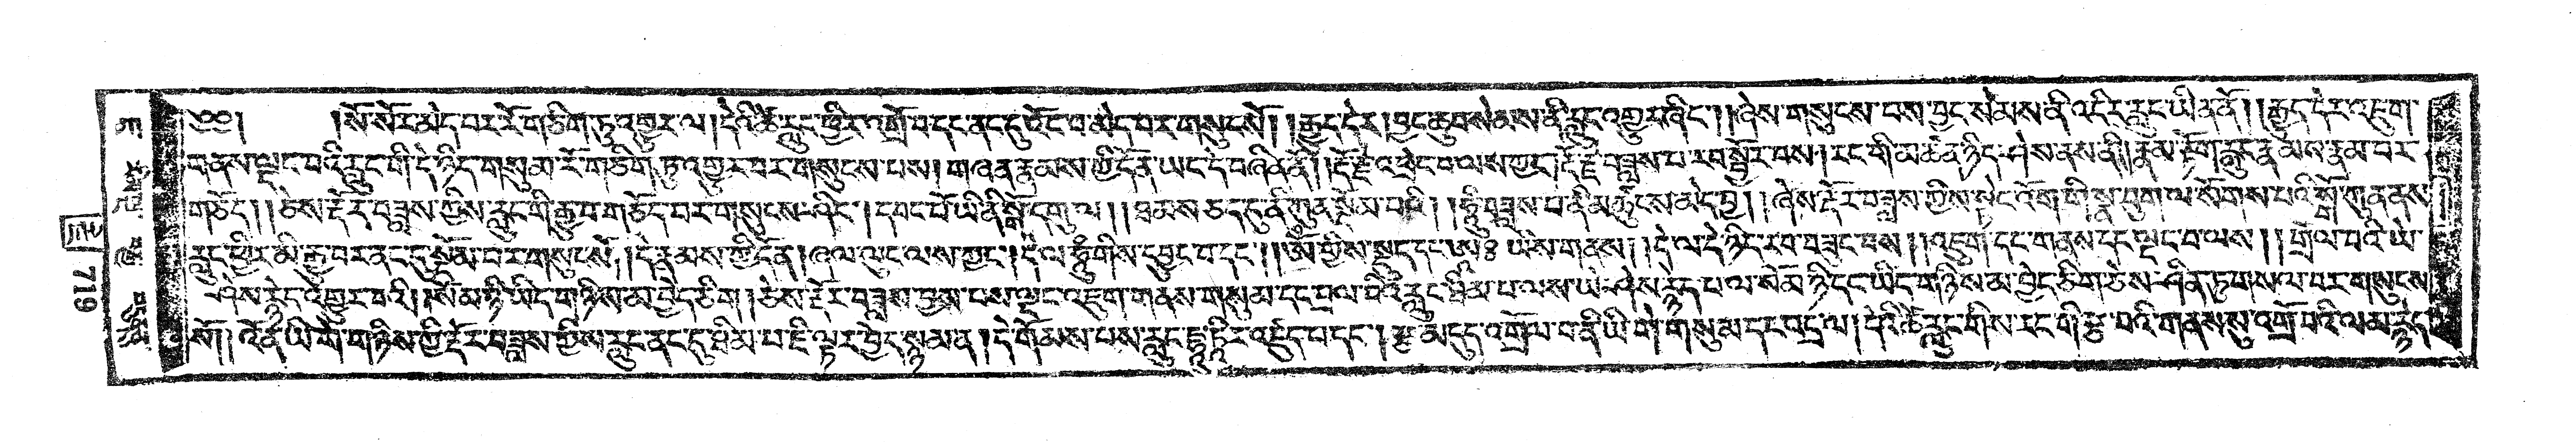༄༅། །སོ་སོར་མེད་པར་རོ་གཅིག་ཏུ་འགྱུར་ལ། དེའི་ཚེ་རླུང་ཕྱིར་འགྲོ་བ་དང་ནང་དུ་འོང་བ་མེད་པར་གསུངས་སོ། །རྒྱུད་དེར། བྱང་ཆུབ་སེམས་ནི་རླུང་འགྱུར་ཞིང་། །ཞེས་གསུངས་པས་བྱང་སེམས་ནི་འདིར་རླུང་ཡིན་ནོ། །རྒྱུད་དེར་འཇུག་
གནས་ལྡང་བའི་རླུང་གི་དེ་ཉིད་གསུམ་རོ་གཅིག་ཏུ་འགྱུར་བར་གསུངས་པས། གཞན་རྣམས་ཀྱི་དོན་ཡང་དེ་བཞིན་ནོ། །རྡོ་རྗེ་འཕྲེང་བ་ལས་ཀྱང་། རྡོ་རྗེ་བཟླས་པ་རབ་སྦྱོར་བས། རང་གི་མཚན་ཉིད་ཤེས་ནས་ནི། །རྣམ་རྟོག་རླུང་རྣམས་རྣམ་པར་
གཅོད། །ཅེས་རྡོར་བཟླས་ཀྱིས་རླུང་གི་རྒྱུ་བ་གཅོད་པར་གསུངས་ཤིང་། དབང་པོ་ཡི་ནི་སྒོ་དགུ་ལ། །ཐམས་ཅད་དུ་ནི་ཀུན་སྡོམ་པའི། །ཧཱུཾ་བཟླས་པ་ནི་མཚུངས་མེད་བྱ། །ཞེས་རྡོར་བཟླས་ཀྱིས་སྟེང་འོག་གི་སྣ་བུག་ལ་སོགས་པའི་སྒོ་ཀུན་ནས་
རླུང་ཕྱིར་མི་རྒྱུ་བར་ནང་དུ་སྡོམ་པར་གསུངས་སོ། །དེ་རྣམས་ཀྱི་དོན། ཞལ་ལུང་ལས་ཀྱང་། དེ་ལ་ཧཱུཾ་གིས་དབྱུང་བ་དང་། །ཨོཾ་གྱིས་སྡུད་དང་ཨཱཿ ཡིས་གནས། །དེ་ལ་དེ་ཉིད་རབ་བཟུང་བས། །འཇུག་དང་གནས་དང་ལྡང་བ་ལས། །གྲོལ་བའི་ཡེ་
ཤེས་རྙེད་འགྱུར་བའི། །སོམ་ཉི་ཡིད་གཉིས་མ་བྱེད་ཅིག །ཅེས་རྡོར་བཟླས་བྱས་པས་ལྡང་འཇུག་གནས་གསུམ་དང་བྲལ་བའི་རླུང་ཐིམ་པ་ལས་ཡེ་ཤེས་རྙེད་པ་ལ་སོམ་ཉི་དང་ཡིད་གཉིས་མ་བྱེད་ཅིག་ཅེས་ཤིན་ཏུ་གསལ་བར་གསུངས་
སོ། །འོ་ན་ཡི་གེ་གཉིས་ཀྱི་རྡོར་བཟླས་ཀྱིས་རླུང་ནང་དུ་ཐིམ་པ་ཇི་ལྟར་བྱེད་སྙམ་ན། དེ་གོམས་པས་རླུང་དྷཱུ་ཏཱིར་འཛུད་པ་དང་། རྩ་མདུད་འགྲོལ་བ་ནི་ཡི་གེ་གསུམ་དང་འདྲ་ལ། དེའི་ཚེ་རླུང་གིས་རང་གི་རྩ་བའི་གནས་སུ་འགྲོ་བའི་ལམ་རྙེད་